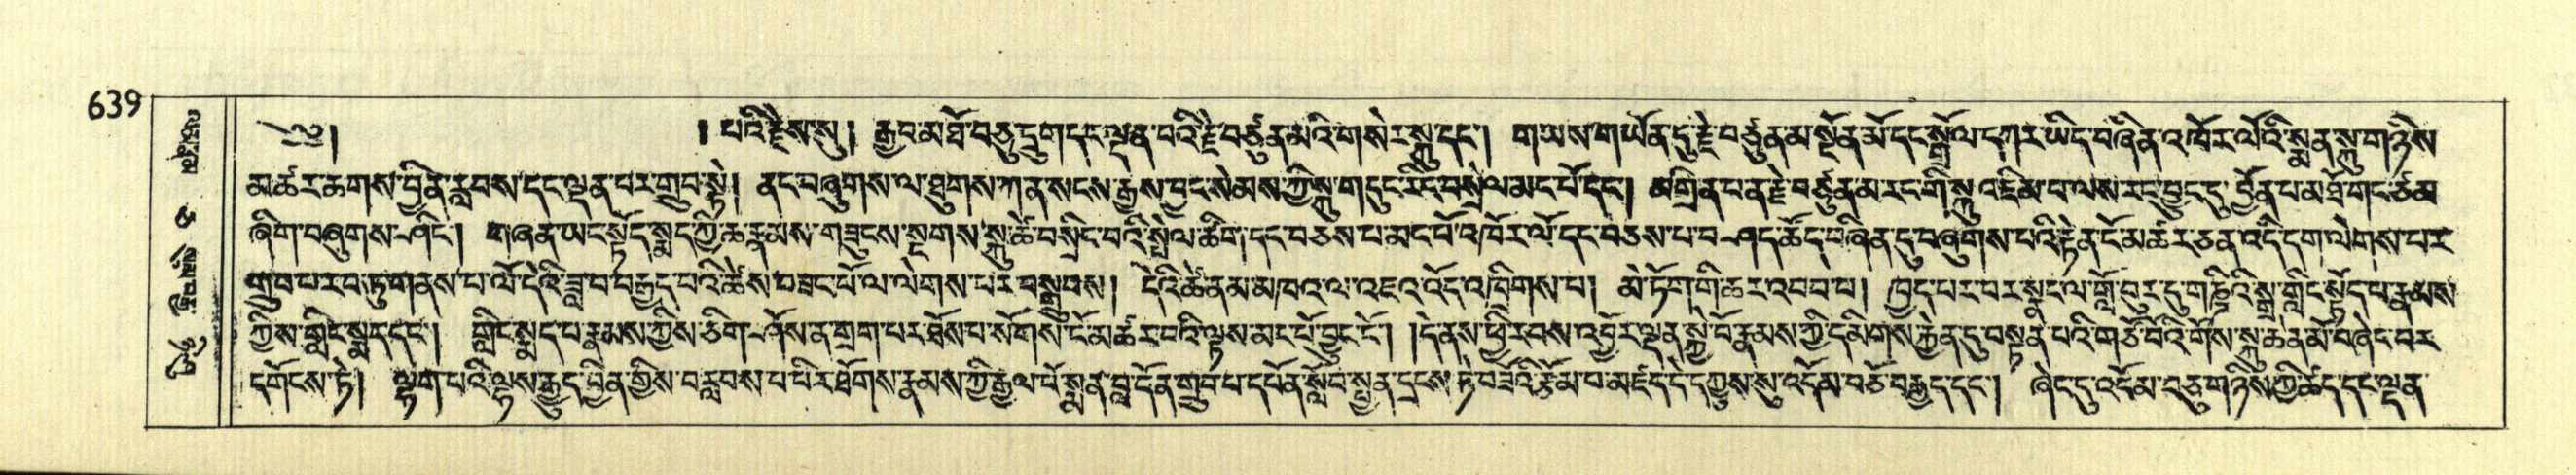༄༅། །པའི་རྗེས་སུ། རྒྱབ་མཐོ་བཅུ་དྲུག་དང་ལྡན་པའི་རྗེ་བཙུན་མའི་གསེར་སྐུ་དང་། གཡས་གཡོན་དུ་རྗེ་བཙུན་མ་སྔོན་མོ་དང་སྒྲོལ་དཀར་ཡིད་བཞིན་འཁོར་ལོའི་སྨན་སྐུ་གཉིས་
མཚར་ཆགས་བྱིན་རླབས་དང་ལྡན་པར་གྲུབ་སྟེ། ནང་བཞུགས་ལ་ཐུགས་ཀ་ན་སངས་རྒྱས་བྱང་སེམས་ཀྱི་སྐུ་གདུང་རིང་བསྲེལ་མང་པོ་དང་། མགྲིན་པ་ན་རྗེ་བཙུན་མ་རང་གི་སྐུ་འཇིམ་པ་ལས་རང་བྱུང་དུ་བྱོན་པ་མཐོ་གང་ཙམ་
ཞིག་བཞུགས་ཤིང་། གཞན་ཡང་སྟོད་སྨད་ཀྱི་ཆ་རྣམས་གཟུངས་སྔགས་སྐུ་ཚེ་བསྲིང་བའི་སྤེལ་ཚིག་དང་བཅས་པ་མང་པོ་འཁོར་ལོ་དང་བཅས་པ་བཤད་ཚོད་བཞིན་དུ་བཞུགས་པའི་རྟེན་ངོ་མཚར་ཅན་འདི་དག་ལེགས་པར་
གྲུབ་པ་རབ་ཏུ་གནས་པ་ལོ་དེའི་ཟླ་བ་བརྒྱད་པའི་ཚེས་བཟང་པོ་ལ་ལེགས་པར་བསྒྲུབས། དེའི་ཚེ་ནམ་མཁའ་ལ་འཇའ་འོད་འཁྲིགས་པ། མེ་ཏོག་གི་ཆར་འབབ་པ། ཁྱད་པར་བར་སྣང་ལ་གློ་བུར་དུ་གཎྜིའི་སྒྲ་གླིང་སྟོད་པ་རྣམས་
ཀྱིས་གླིང་སྨད་དང་། གླིང་སྨད་པ་རྣམས་ཀྱིས་ཅིག་ཤོས་ན་གྲག་པར་ཐོས་པ་སོགས་ངོ་མཚར་བའི་ལྟས་མང་པོ་བྱུང་ངོ། །དེ་ནས་ཕྱི་རབས་འབྱོར་ལྡན་སྐྱེ་བོ་རྣམས་ཀྱི་དམིགས་རྐྱེན་དུ་བསྟན་པའི་གཙོ་བོའི་གོས་སྐུ་ཆེན་མོ་བཞེང་བར་
དགོངས་ཏེ། ལྷག་པའི་ལྷས་རྒྱུད་བྱིན་གྱིས་བརླབས་པ་པིར་ཐོགས་རྣམས་ཀྱི་རྒྱལ་པོ་སྨན་བླ་དོན་གྲུབ་པ་དཔོན་སློབ་སྤྱན་དྲངས་ཏེ་བཟོའི་རྩོམ་པ་མཛད་དེ་དཀྱུས་སུ་འདོམ་བཅོ་བརྒྱད་དང་། ཞེང་དུ་འདོམ་བཅུ་གཉིས་ཀྱི་ཚད་དང་ལྡན་